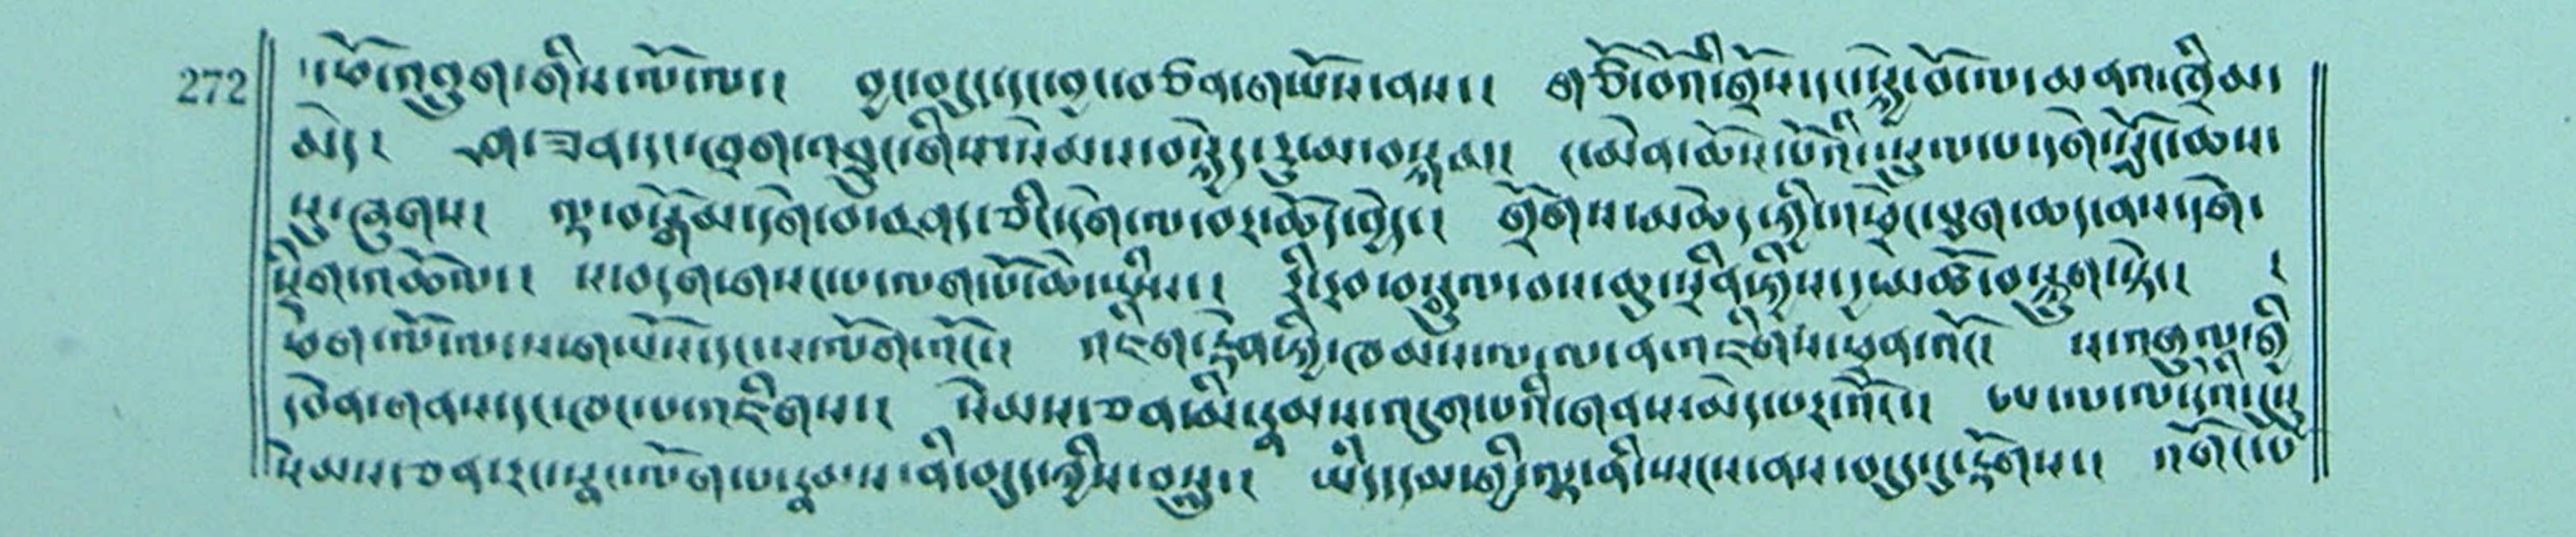ས་ཕོ་འབྲུག་གི་ལོ་བ་ལ། བྱང་བདུད་དང་བྱང་བཙན་གཡོས་ནས། གཙོ་བོའི་གྲོས་དང་སྐྱེ་བོ་ལ་མནའ་ཁྲིམས་
མེད། ཤ་ཟན་དང་ཁྲག་འཐུང་གིས་སེམས་བསྐྱེད་རུ་མ་བསྐམ། ང་མིན་ཆོས་པའི་སྤྲུལ་པ་དགེ་སློང་ཆས་
སུ་ཞུགས་ནས། ལྟ་སྒོམ་དགེ་བ་བཤད་ཅིང་དགེ་ལ་བར་ཆོད་བྱེད། གྲོགས་མཆེད་ཀྱི་འཕྲེང་ཐག་ཆད་ནས་དགེ་
སྡིག་འཆོལ། ས་བདག་གསང་བ་ལག་པོ་ཆེ་ཡིས། རི་རབ་བསྒུལ་བས་ཆུ་སྲིན་གྱི་རྒྱ་མཚོ་བསྐྲུག་ཏེ། 
ཕག་ལོ་ལ་ས་གཡོས་དང་ས་ལོག་འོང་། འཇིག་རྟེན་ཁམས་ལ་ལ་ན་འཇིགས་ཕྲན་འོང་། ས་འགུལ་གྱིས
དབེན་གནས་དང་ཁང་པ་འཇིག སེམས་ཅན་མི་རྣམས་འདུག་པའི་གནས་མེད་པར་འོང་། ཨ་ལ་ལ་དེའི་དུས་སུ་
སེམས་ཅན་རང་སྣང་ལོག་པ་རྣམས་ནི་བདུད་ཀྱིས་བསླུས། ཡི་དམ་གྱི་ལྷ་ནི་སྤངས་ནས་བདུད་དུ་རྟོགས། འགོང་པོ་